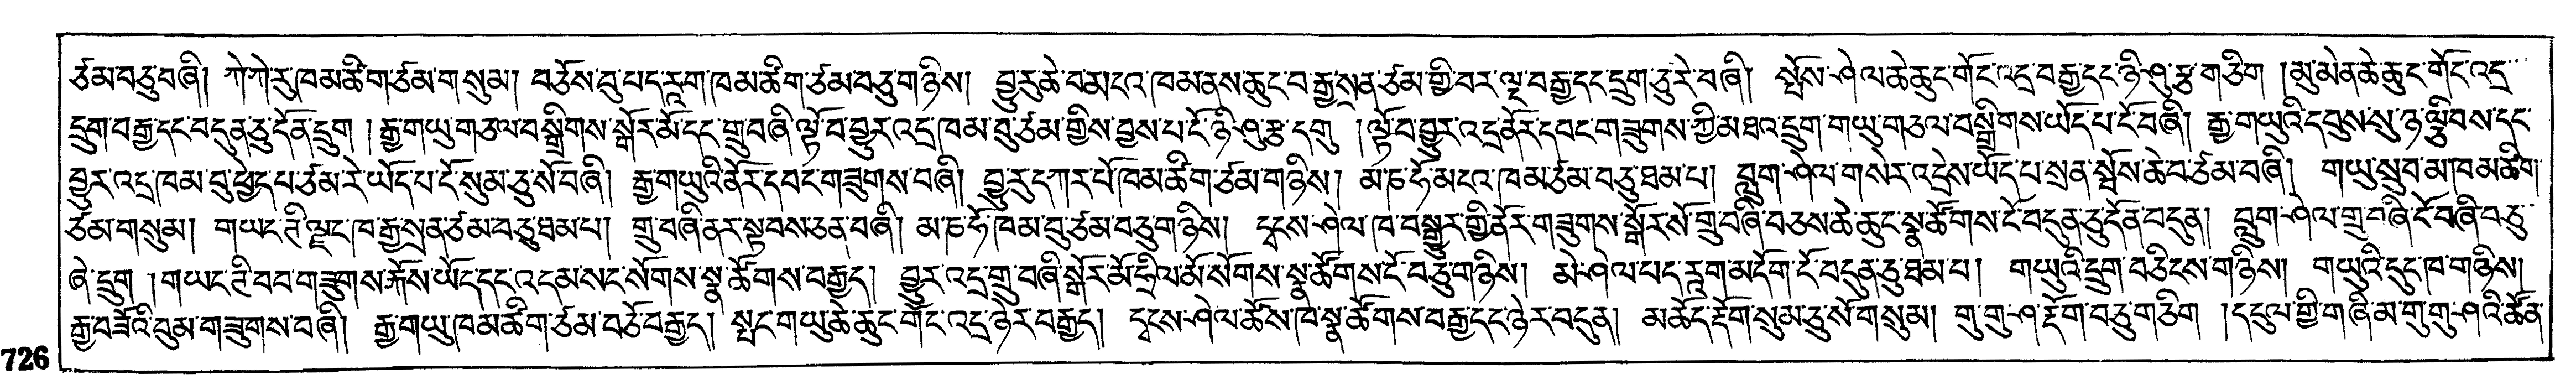ཙམ་བཅུ་བཞི། ཀེ་ཀེ་རུ་ཁམ་ཚིག་ཙམ་གསུམ། བཅོས་བུ་པད་རཱ་ག་ཁམ་ཚིག་ཙམ་བཅུ་གཉིས། བྱུ་རུ་ཆེ་བ་མངའ་ཁམ་ནས་ཆུང་བརྒྱ་སྲན་ཙམ་གྱི་བར་ལྔ་བརྒྱ་དང་དྲུག་ཅུ་རེ་བཞི། སྤོས་ཤེལ་ཆེ་ཆུང་གོང་འདྲ་བརྒྱ་དང་ཉི་ཤུ་རྩ་གཅིག །མུ་མེན་ཆེ་ཆུང་གོང་འདྲ་
དྲུག་བརྒྱ་དང་བདུན་ཅུ་དོན་དྲུག །རྒྱ་གཡུ་གཅལ་བསྒྲིགས་སྒོར་མོ་དང་གྲུ་བཞི་ལྟོ་བ་བྱུར་འདྲ་ཁམ་བུ་ཙམ་གྱིས་བྱས་པ་དོ་ཉི་ཤུ་རྩ་དགུ །ལྟོ་བ་བྱུར་འདྲ་ནོར་དབང་གཟུགས་ཀྱི་མཐའ་དྲུག་གཡུ་གཅལ་བསྒྲིགས་ཡོད་པ་ངོ་བཞི། རྒྱ་གཡུའི་དབུས་སུ་ཉ་ལྕིབས་དང་
བྱུང་འདྲ་ཁམ་བུ་ཕྱེད་པ་ཙམ་རེ་ཡོད་པ་ངོ་སུམ་ཅུ་སོ་བཞི། རྒྱ་གཡུའི་ནོར་དབང་གཟུགས་བཞི། བྱུ་རུ་དཀར་པོ་ཁམ་ཚིག་ཙམ་གཉིས། མཎ་ཧོ་མངའ་ཁམ་ཙམ་བཅུ་ཐམ་པ། བླུག་ཤེལ་གསེར་འདྲེས་ཡོད་པ་སྲན་སྤོས་ཆེ་བ་ཙམ་བཞི། གཡུ་སྲུབ་མཁམ་ཆིབ་
ཙམ་གསུམ། གཡང་ཊི་ལྡང་ཁ་རྒྱ་སྲན་ཙམ་བཅུ་ཐམ་པ། གྲུ་བཞི་ནར་སྟབས་ཅན་བཞི། མ་ཎ་ཧོ་ཁམ་བུ་ཙམ་བཅུ་གཉིས། དྭངས་ཤེལ་ཁ་བསྒྱུར་གྱི་ནོར་གཟུགས་སྒོར་མོ་གྲུ་བཞི་བཅས་ཆེ་ཆུང་སྣ་ཚོགས་ངོ་བདུན་ཅུ་དོན་བདུན། བླུག་ཤེལ་གྲུ་བཞི་ངོ་བཞི་བཅུ་
ཞེ་དྲུག །གཡང་ཊི་བབ་གཟུགས་རྐོས་ཡོད་དང་འཇམ་སང་སོགས་སྣ་ཚོགས་བརྒྱད། བྱུར་འདྲ་གྲུ་བཞི་སྒོར་མོ་ཧྲིལ་མོ་སོགས་སྣ་ཚོགས་ངོ་བཅུ་གཉིས། མེ་ཤེལ་པད་རཱ་ག་མདོག་དོ་བདུན་ཅུ་ཐམ་པ། གཡུའི་དྲུག་བཅིངས་གཉིས། གཡུའི་དུང་ཁ་གཉིས།
རྒྱ་བཟོའི་བུམ་གཟུགས་བཞི། རྒྱ་གཡུ་ཁམ་ཚིག་ཙམ་བཅོ་བརྒྱད། སྤང་གཡུ་ཆེ་ཆུང་གོང་འདྲ་ཉེར་བརྒྱད། དྭངས་ཤེལ་ཚོས་ཁ་སྣ་ཚོགས་བརྒྱ་དང་ཉེར་བདུན། མཆོད་རྡོ་གསུམ་ཅུ་སོ་གསུམ། གུ་གུ་ཤ་རྡོག་བཅུ་གཅིག །དངུལ་གྱི་གཞི་མ་གུ་གུ་ཤའི་ཚོན་